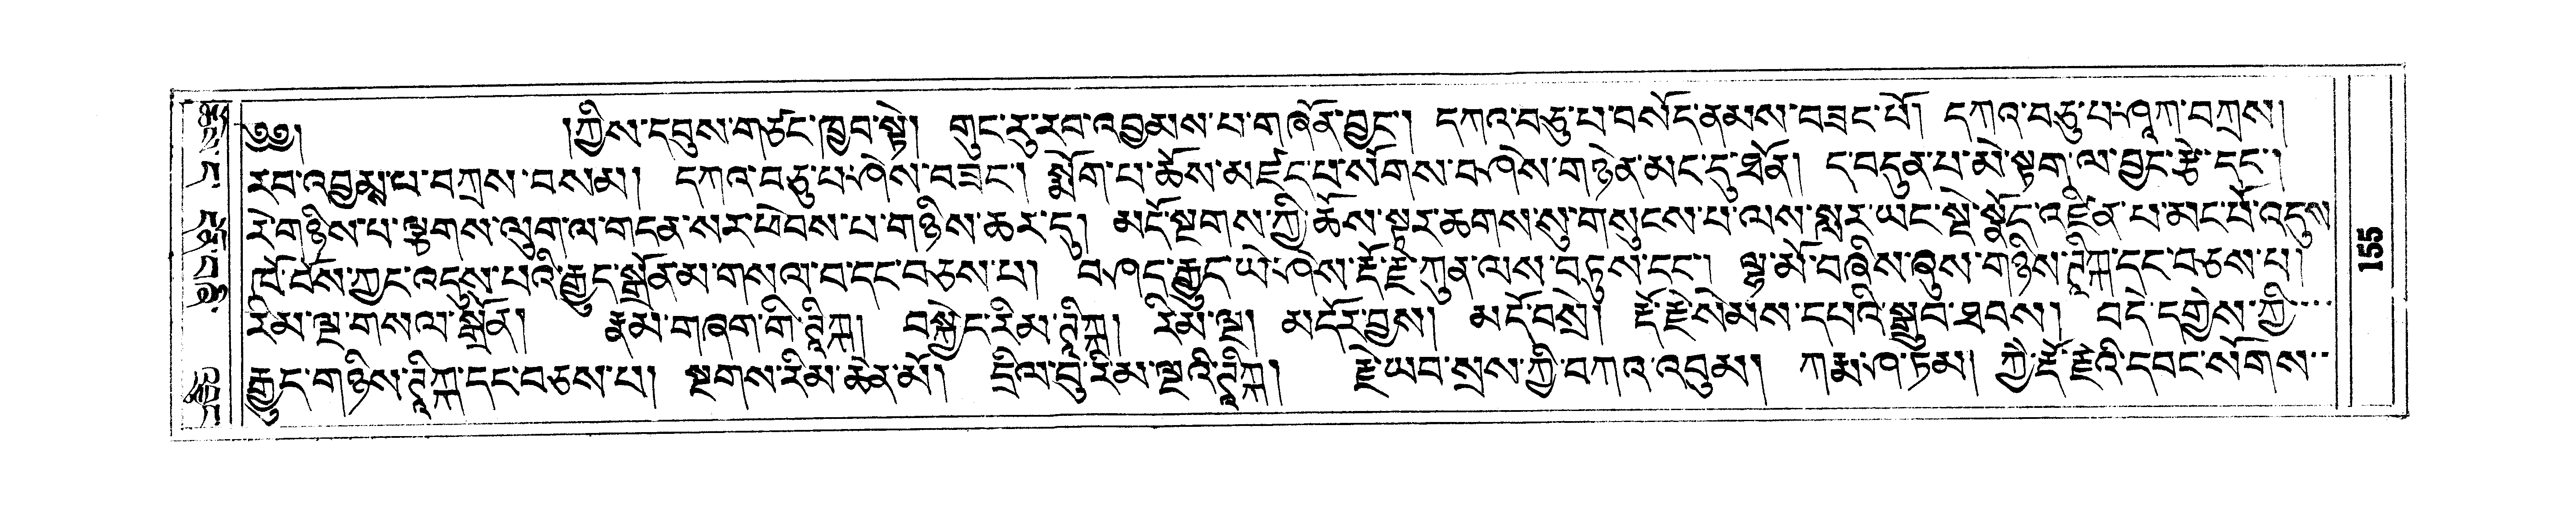༄༅། །ཀྱིས་དབུས་གཙང་ཁྱབ་སྟེ། གུང་རུ་རབ་འབྱམས་པ་གཞོན་བྱང་། དཀའ་བཅུ་པ་བསོད་ནམས་བཟང་པོ། དཀའ་བཅུ་པ་ཤཱཀ་བཀྲས།
རབ་འབྱམས་པ་བཀྲས་བསམ། དཀའ་བཅུ་པ་ཤེས་བཟང་། སྨོག་པ་ཆོས་མཛད་པ་སོགས་བཤེས་གཉེན་མང་དུ་ཐོན། ད་བདུན་པ་མེ་སྟག་ལ་བྱང་རྩེ་དང་།
རེ་གཉིས་པ་ལྕགས་ལུག་ལ་གདན་སར་ཕེབས་པ་གཉིས་ཆར་དུ། མདོ་སྔགས་ཀྱི་ཆོས་སྟར་ཆགས་སུ་གསུངས་པ་ལས་སླར་ཡང་སྡེ་སྣོད་འཛིན་པ་མང་པོ་འདུས་
ཁོ་བོས་ཀྱང་འདུས་པའི་རྒྱུད་སྒྲོན་མ་གསལ་བ་དང་བཅས་པ། བཤད་རྒྱུད་ཡེ་ཤེས་རྡོ་རྗེ་ཀུན་ལས་བཏུས་དང་། ལྷ་མོ་བཞིས་ཞུས་གཉིས་ཊཱིཀྐ་དང་བཅས་པ།
རིམ་ལྔ་གསལ་སྒྲོན། རྣམ་གཞག་གི་ཊཱིཀྐ། བསྐྱེད་རིམ་ཊཱིཀྐ། རིམ་ལྔ། མདོར་བྱས། མདོ་བསྲེ། རྡོ་རྗེ་སེམས་དཔའི་སྒྲུབ་ཐབས། བདེ་དགྱེས་ཀྱི་
རྒྱུད་གཉིས་ཊཱིཀྐ་དང་བཅས་པ། སྔགས་རིམ་ཆེན་མོ། དྲིལ་བུ་རི་མ་ལྔའི་ཊཱིཀྐ། རྗེ་ཡབ་སྲས་ཀྱི་བཀའ་འབུམ། ཀརྨ་ཤ་ཏམ། ཀྱཻ་རྡོ་རྗེའི་དབང་སོགས་